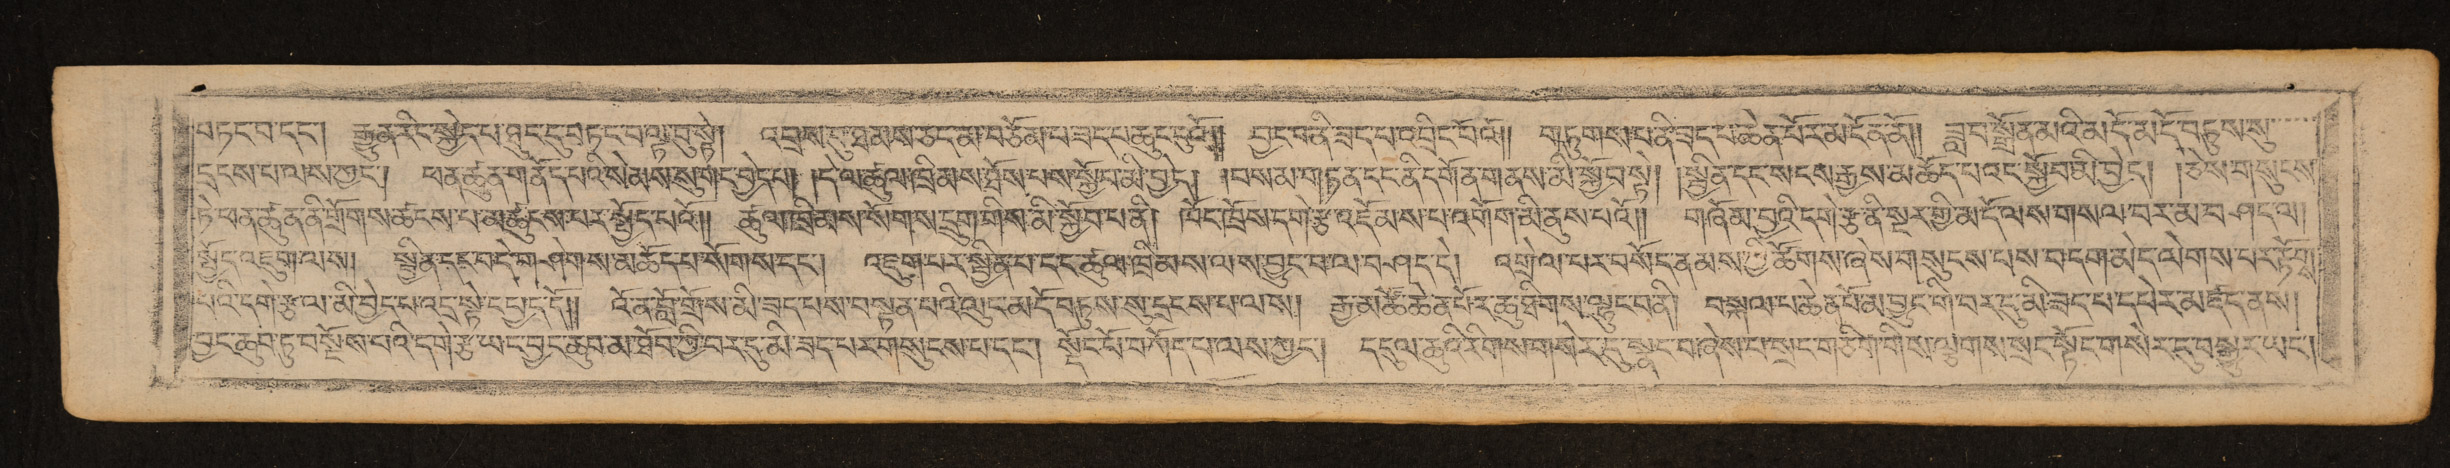བཏང་བ་དང་། རྒྱུན་རིང་སྐྱེད་པ་ཐུང་ངུ་བཏང་བ་ལྟ་བུ་སྟེ། འབྲས་བུ་ཐམས་ཅད་མ་བཅོམ་པ་ཟད་པ་ཆུང་ངུའོ།། བྱང་བ་ནི་ཟད་པ་འབྲིང་པོའོ།། གཏུགས་པ་ནི་ཟད་པ་ཆེན་པོར་མངོན་ནོ།། ཟླ་བ་སྒྲོན་མའི་མདོ་མདོ་བཏུས་སུ་
དྲངས་པ་ལས་ཀྱང་། ཕན་ཚུན་གནོད་པའི་སེམས་སུ་གང་བྱེད་པ། །དེ་ལ་ཚུལ་ཁྲིམས་ཐོས་པས་སྐྱོབ་མི་བྱེད། །བསམ་གཏན་དང་ནི་དགོན་གནས་མི་སྐྱོབ་སྟེ། །སྦྱིན་དང་སངས་རྒྱས་མཆོད་པའང་སྐྱོབ་མི་བྱེད། །ཅེས་གསུངས་
ཏེ་ཕན་ཚུན་ནི་གྲོགས་ཚངས་པ་མཚུངས་པར་སྤྱོད་པའོ།། ཚུལ་ཁྲིམས་སོགས་དྲུག་གིས་མི་སྐྱོབ་པ་ནི། ཁོང་ཁྲོས་དགེ་རྩ་འཇོམས་པ་འགོག་མི་ནུས་པའོ།། གཞོམ་བྱའི་དགེ་རྩ་ནི་སྔར་གྱི་མདོ་ལས་གསལ་བར་མ་བཤད་ལ།
སྤྱོད་འཇུག་ལས། སྦྱིན་དང་བདེ་གཤེགས་མཆོད་པ་སོགས་དང་། འཇུག་པར་སྦྱིན་པ་དང་ཚུལ་ཁྲིམས་ལས་བྱུང་བ་ལ་བཤད་དེ། འགྲེལ་པར་བསོད་ནམས་ཀྱི་ཚོགས་ཞེས་གསུངས་པས་བདག་མེད་ལེགས་པར་རྟོགས་
པའི་དགེ་རྩ་ལ་མི་བྱེད་པ་འདྲ་སྟེ་དཔྱད་དེ།། འོ་ན་བློ་གྲོས་མི་ཟད་པས་བསྟན་པའི་ལུང་མདོ་བཏུས་སུ་དྲངས་པ་ལས། རྒྱ་མཚོ་ཆེན་པོར་ཆུ་ཐིགས་ལྷུང་བ་ནི། བསྐལ་པ་ཆེན་པོ་མ་བྱུང་གི་བར་དུ་མི་ཟད་པ་དཔེར་མཛད་ནས།
བྱང་ཆུབ་ཏུ་བསྔོས་པའི་དགེ་རྩ་ཡང་བྱང་ཆུབ་མ་ཐོབ་ཀྱི་བར་དུ་མི་ཟད་པར་གསུངས་པ་དང་། སྡོང་པོ་བཀོད་པ་ལས་ཀྱང་། དངུལ་ཆུའི་རིགས་གསེར་དུ་སྣང་བ་ཞེས་པ་སྲང་གཅིག་གིས་ལྕགས་སྲང་སྟོང་གསེར་དུ་བསྒྱུར་ཡང་།